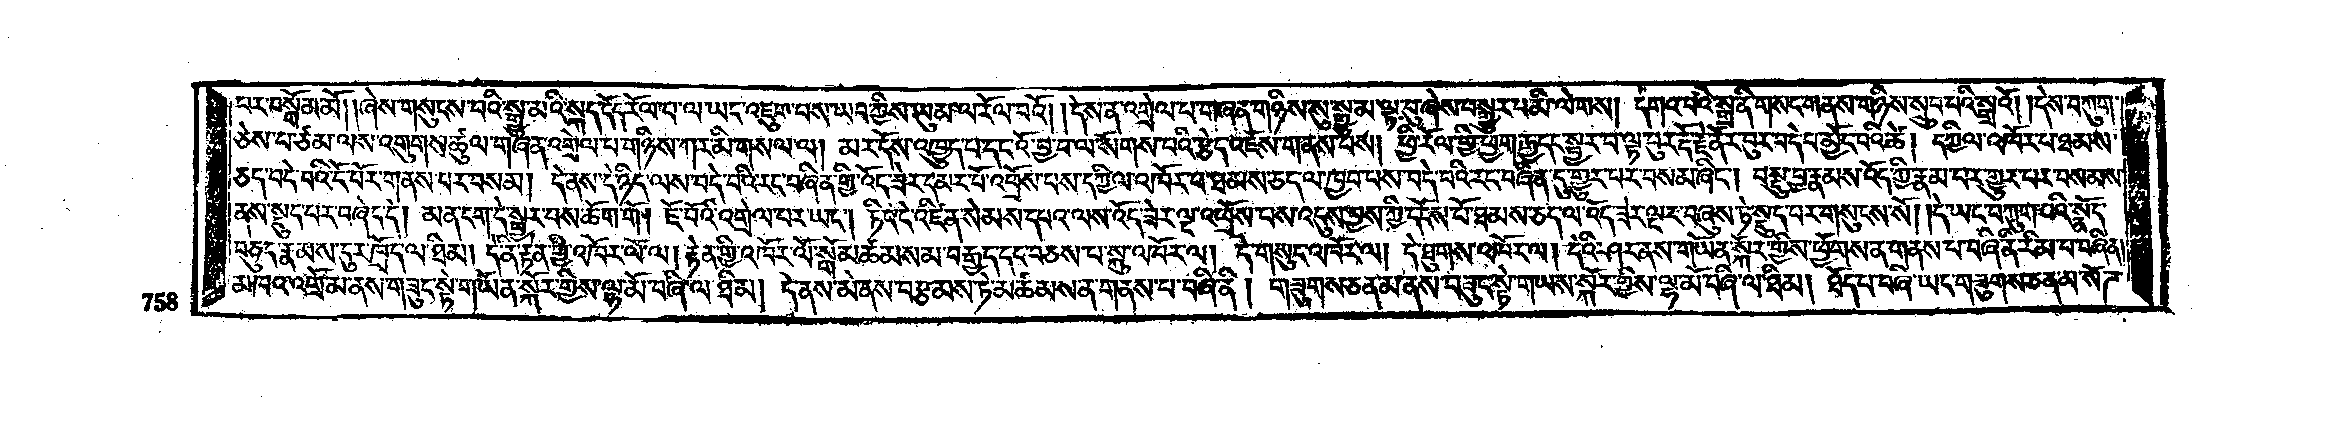པར་བསྒོམ་མོ། །ཞེས་གསུངས་པའི་སྒྱུ་མའི་སྐད་དོད་རོལ་པ་ལ་ཡང་འཇུག་པས་ཡབ་ཀྱིས་ཡུམ་ལ་རོལ་བའོ། །དེས་ན་འགྲེལ་པ་གཞན་གཉིས་སུ་སྒྱུ་མ་ལྟ་བུ་ཞེས་བསྒྱུར་པ་མི་ལེགས། དགའ་བའི་སྒྲ་ནི་གསང་གནས་གཉིས་སྲུབ་པའི་སྒྲའོ། །དེས་བཀུག་
ཅེས་པ་ཙམ་ལས་འགུགས་ཚུལ་གཞན་འགྲེལ་པ་གཉིས་ཀར་མི་གསལ་ལ། མར་དོས་འཁྱུད་པ་དང་འོ་བྱ་བ་ལ་སོགས་པའི་རྩེད་འཇོས་གནས་པས། ཕྱི་རོལ་གྱི་ཕྱག་རྒྱ་དང་སྦྱར་བ་ལྟ་བུར་རྡོ་རྗེ་ནོར་བུར་བདེ་བ་མྱོང་བའི་ཚེ། དཀྱིལ་འཁོར་པ་ཐམས་
ཅད་བདེ་བའི་ངོ་བོར་གནས་པར་བསམ། དེ་ནས་དེ་ཉིད་ལས་བདེ་བའི་རང་བཞིན་གྱི་འོད་ཟེར་དམར་པོ་འཕྲོས་པས་དཀྱིལ་འཁོར་པ་ཐམས་ཅད་ལ་ཁྱབ་པས་བདེ་བའི་རང་བཞིན་དུ་གྱུར་པར་བསམ་ཞིང་། བསྡུ་བྱ་རྣམས་འོད་ཀྱི་རྣམ་པར་གྱུར་པར་བསམས་
ནས་སྡུད་པར་བཞེད་དེ། མན་ངག་དེ་སྦྱར་བས་ཆོག་གོ །ཇོ་བོའི་འགྲེལ་པར་ཡང་། ཏིང་ངེ་འཛིན་སེམས་དཔའ་ལས་འོད་ཟེར་ལྔ་འཕྲོས་པས་འདུས་བྱས་ཀྱི་དངོས་པོ་ཐམས་ཅད་ལ་འོད་ཟེར་ལྔར་བཞུས་ཏེ་སྡུད་པར་གསུངས་སོ། །དེ་ཡང་བཀུག་པའི་སྣོད་
བཅུད་རྣམས་དུར་ཁྲོད་ལ་ཐིམ། དེ་ནི་རྟེན་གྱི་འཁོར་ལོ་ལ། རྟེན་གྱི་འཁོར་ལོ་སྒོ་མཚམས་མ་བརྒྱད་དང་བཅས་པ་སྐུ་འཁོར་ལ། དེ་གསུང་འཁོར་ལ། དེ་ཐུགས་འཁོར་ལ། དེའི་ཤར་ནས་གཡོན་སྐོར་གྱིས་ཕྱོགས་ན་གནས་པ་བཞི་ནི་རིམ་པ་བཞིན།
མཁའ་འགྲོ་མ་ནས་གཟུང་སྟེ་གཡོན་སྐོར་གྱིས་ལྷ་མོ་བཞི་ལ་ཐིམ། དེ་ནས་མེ་ནས་བརྩམས་ཏེ་མཚམས་ན་གནས་པ་བཞི་ནི། གཟུགས་ཅན་མ་ནས་བཟུང་སྟེ་གཡས་སྐོར་གྱིས་ལྷ་མོ་བཞི་ལ་ཐིམ། ཐོད་པ་བཞི་ཡང་གཟུགས་ཅན་མ་སོགས་